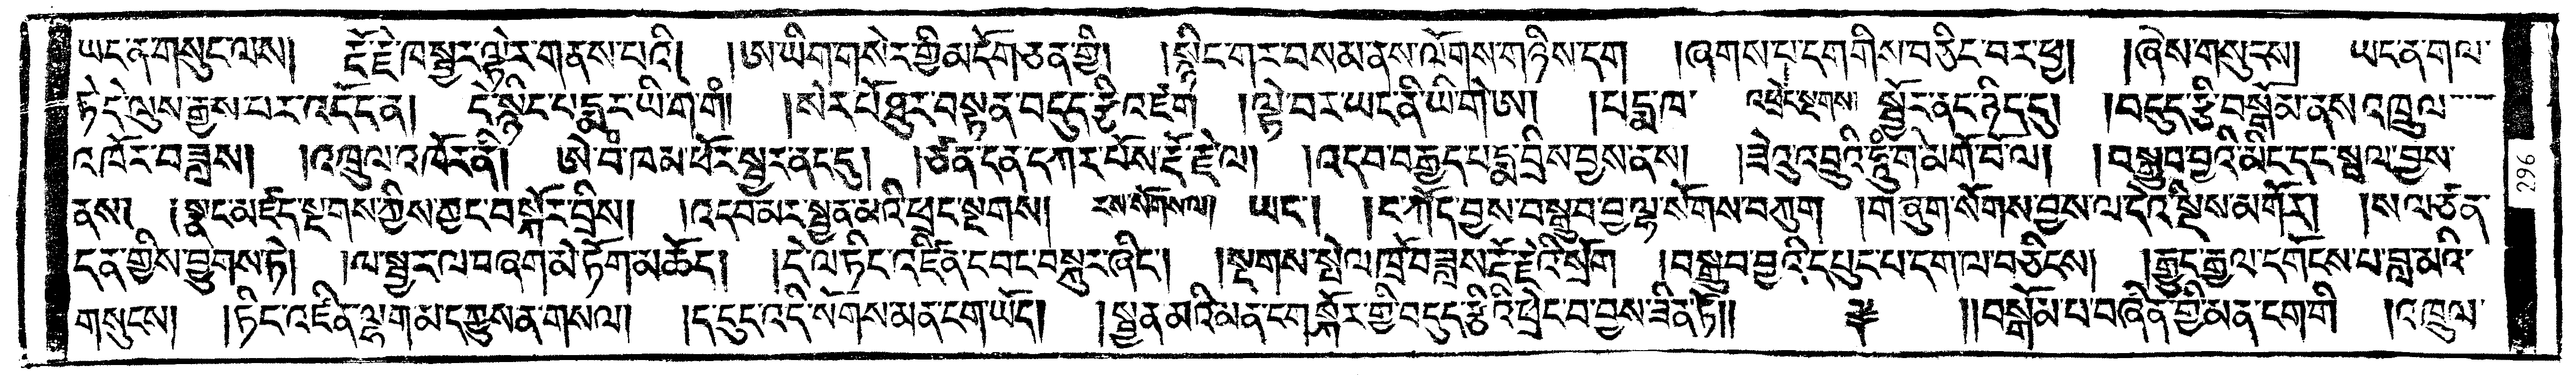ཡང་ན་གསུང་ལས། རྡོ་རྗེ་ཁ་སྦྱར་ལྟེར་གནས་པའི། །ཨ་ཡིག་གསེར་གྱི་མདོག་ཅན་གྱི། །སྙིང་གར་བསམ་ནས་ལོགས་གཉིས་དག །ཞགས་པ་འཕྲེང་སྔགས།  དག་གིས་བཅིང་བར་ཕྱ། །ཞེས་གསུངས། ཡང་ན་གལ་
ཏེ་དེ་ལུས་རྒྱས་པར་འདོད་ན། དེ་སྙིང་པདམར་ཡི་གེ་གཾ། །སེར་པོ་ཐུར་བསྟན་བདུད་རྩི་འཛག །ལྟེ་བར་ཡང་ནི་ཡི་གེ་ཨ། །པདམ་ཁ་སྦྱོར་ནང་ཉིད་དུ། །བདུད་རྩི་བསྒོམ་ནས་འཁྲུལ་
འཁོར་བཟླས། །འཁྲུལ་འཁོར་ནི། ཨེ་བཾ་ཁམ་ཕོར་སྦྱར་ནང་དུ། །ཙན་དན་དཀར་པོས་རྡོ་རྗེ་ལ། །འདབ་བརྒྱད་པདམ་བྲིས་བྱས་ནས། །ཟེའུ་འབྲུའི་ཧཱུཾ་གི་མགོ་བོ་ལ། །བསྒྲུབ་བྱའི་མིང་དང་སྦལ་བྱས་
ནས༑ ༑སྣང་མཛད་སྔགས་ཀྱིས་ཀྱང་བསྐོར་བྲིས། །འདབ་མར་སྤྱན་མའི་ཕྲེང་སྔགས། རས་སོགས་ལ།  ཡང་། །བཀོད་བྱས་བསྒྲུབ་བྱ་ལྷ་སོགས་བཀུག །གཞུག་སོགས་བྱས་ལ་དེའི་སྔས་མགོར། །སལ་ཙན་
དན་གྱིས་བྱུགས་ཏེ། །ལ་སྦྱར་ལ་བཞག་མེ་ཏོག་མཆོད། །དེ་ལ་ཏིང་འཛིན་དབང་བསྐུར་ཞིང་། །སྔགས་སྤེལ་ཁྲོ་བཟླས་རྡོ་རྗེའི་སྲོག །བསྒྲུབ་བྱའི་དཔུང་པ་དག་ལ་བཅིངས། །རྒྱུད་རྒྱལ་དགོངས་པ་བླ་མའི་
གསུངས། །ཏིང་འཛིན་ལྷག་མ་དཀྱུས་ན་གསལ། །ད་དུང་འདི་སོགས་མན་ངག་ཡོད། །སྤྱན་མའི་མན་ངག་སྐོར་གྱི་བདུད་རྩིའི་ཕྲེང་བ་བྱས་ཟིན་ཏོ།། ༈ །།བསྒོམ་པ་བཞིན་གྱི་མན་ངག་གི །འཁྲུལ་